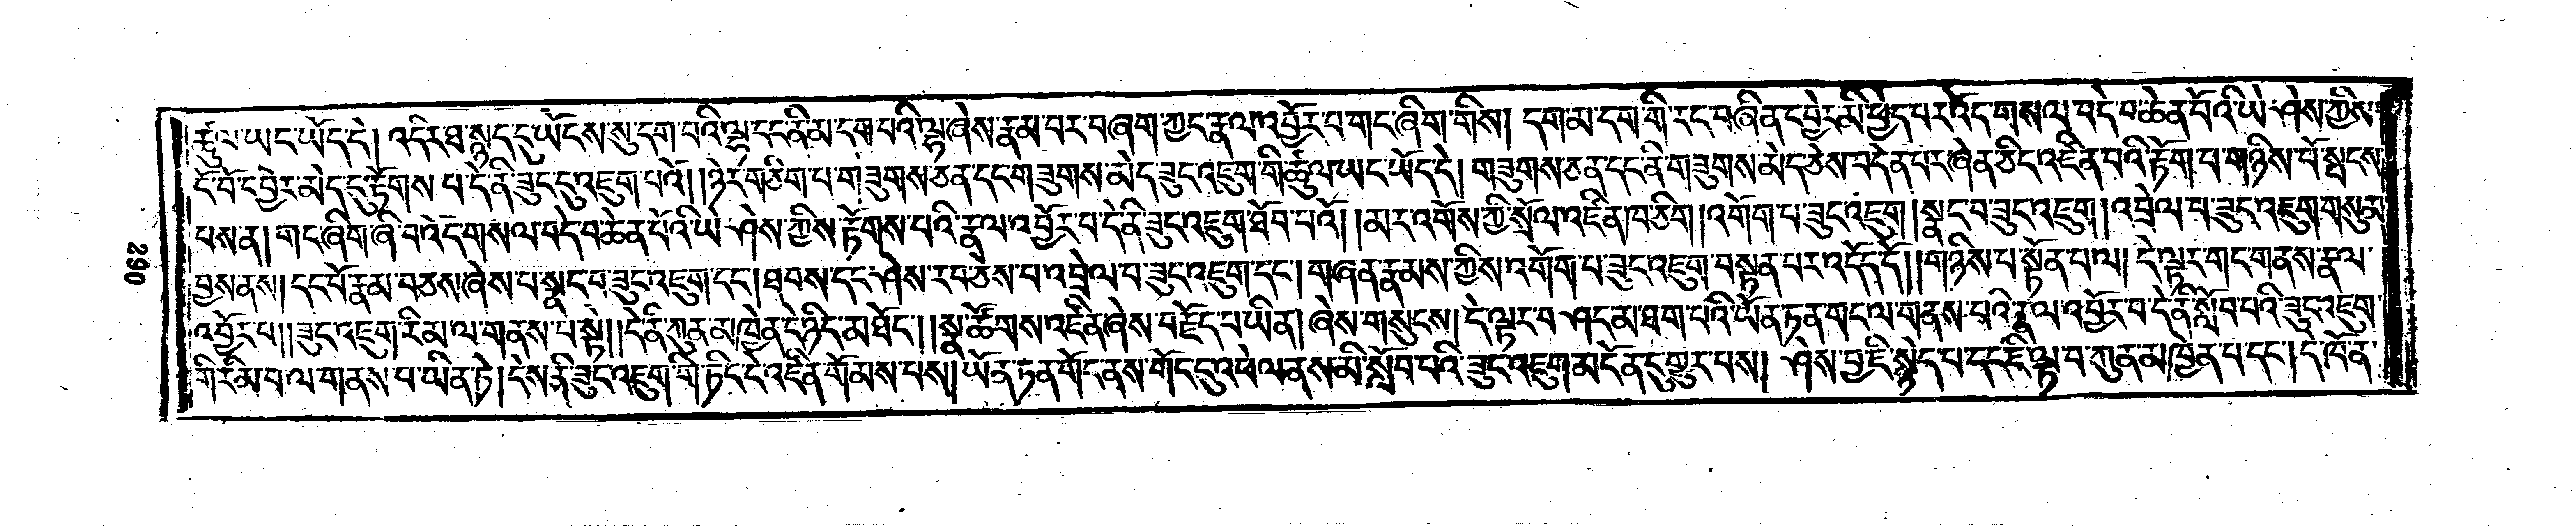ཚུལ་ཡང་ཡོད་དེ། འདིར་ཐ་སྙད་དུ་ཡོངས་སུ་དག་པའི་ལྷ་དང་ནི་མ་དག་པའི་ལྷ་ཞེས་རྣམ་པར་བཞག་ཀྱང་རྣལ་འབྱོར་པ་གང་ཞིག་གིས། དག་མ་དག་གི་རང་བཞིན་དབྱེར་མི་ཕྱེད་པར་འོད་གསལ་བདེ་བ་ཆེན་པོའི་ཡེ་ཤེས་ཀྱིས་
ངོ་བོ་དབྱེར་མེད་དུ་རྟོགས་པ་དེ་ནི་ཟུང་དུ་འཇུག་པའོ། །ཉེར་གཅིག་པ་གཟུགས་ཅན་དང་གཟུགས་མེད་ཟུང་འཇུག་གི་ཚུལ་ཡང་ཡོད་དེ། གཟུགས་ཅན་དང་ནི་གཟུགས་མེད་ཅེས་བདེན་པར་ཞེན་ཅིང་འཛིན་པའི་རྟོག་པ་གཉིས་པོ་སྤངས་
པས་ན། གང་ཞིག་ཞི་བ་འོད་གསལ་བདེ་བ་ཆེན་པོའི་ཡེ་ཤེས་ཀྱིས་རྟོགས་པའི་རྣལ་འབྱོར་པ་དེ་ནི་ཟུང་འཇུག་ཐོབ་པའོ། །མར་འགོས་ཀྱི་སྲོལ་འཛིན་ཁ་ཅིག །འགོག་པ་ཟུང་འཇུག །སྣང་བ་ཟུང་འཇུག །འབྲེལ་བ་ཟུང་འཇུག་གསུམ་
བྱས་ནས། དང་པོ་རྣམ་བཅས་ཞེས་པ་སྣང་བཟུང་འཇུག་དང་། ཐབས་དང་ཤེས་རབ་ཅེས་པ་འབྲེལ་བ་ཟུང་འཇུག་དང་། གཞན་རྣམས་ཀྱིས་འགོག་པ་ཟུང་འཇུག་བསྟན་པར་འདོད་དོ། །གཉིས་པ་སྟོན་པ་ལ། དེ་ལྟར་གང་གནས་རྣལ་
འབྱོར་པ། །ཟུང་འཇུག་རིམ་ལ་གནས་པ་སྟེ། །དེ་ནི་ཀུན་མཁྱེན་དེ་ཉིད་མཐོང་། །སྣ་ཚོགས་འཛིན་ཞེས་བརྗོད་པ་ཡིན། ཞེས་གསུངས། དེ་ལྟར་བཤད་མ་ཐག་པའི་ཡོན་ཏན་གང་ལ་གནས་པའི་རྣལ་འབྱོར་བ་དེ་ནི་སློབ་པའི་ཟུང་འཇུག་
གི་རིམ་པ་ལ་གནས་པ་ཡིན་ཏེ། དེས་ནི་ཟུང་འཇུག་གི་ཏིང་ངེ་འཛིན་གོམས་པས། ཡོན་ཏན་གོང་ནས་གོང་དུ་འཕེལ་ནས་མི་སློབ་པའི་ཟུང་འཇུག་མངོན་དུ་གྱུར་པས། ཤེས་བྱ་ཇི་སྙེད་པ་དང་ཇི་ལྟ་བ་ཀུན་མཁྱེན་པ་དང་། དེ་ཁོ་ན་